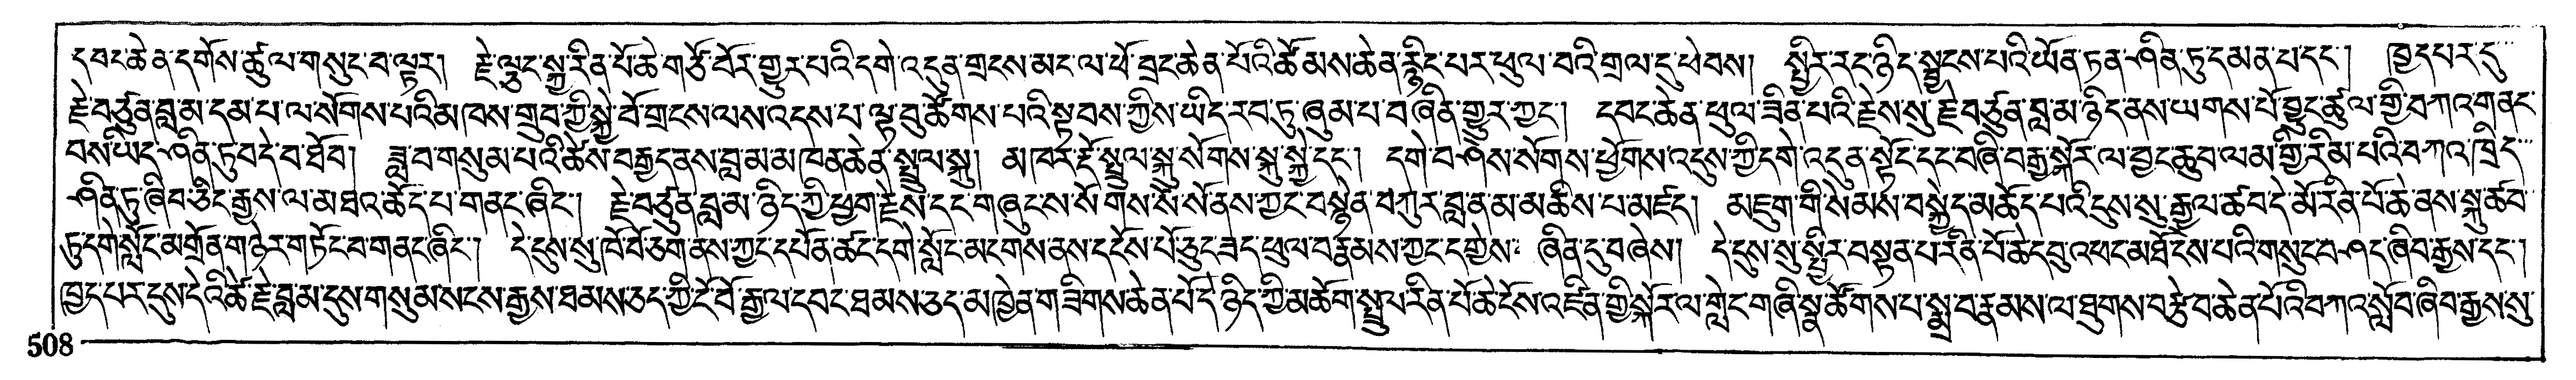དབང་ཆེན་དགོས་ཚུལ་གསུང་བ་ལྟར། རྗེ་ལྕང་སྐྱ་རིན་པོ་ཆེ་གཙོ་བོར་གྱུར་པའི་དགེ་འདུན་གྲངས་མང་ལ་ཕོ་བྲང་ཆེན་པོའི་ཚོམས་ཆེན་རྙིང་པར་ཕུལ་བའི་གྲལ་དུ་ཕེབས། སྦྱིར་རང་ཉིད་སྦྱངས་པའི་ཡོན་ཏན་ཤིན་ཏུ་དམན་པ་དང་། ཁྱད་པར་དུ་
རྗེ་བཙུན་བླ་མ་དམ་པ་ལ་སོགས་པའི་མཁས་གྲུབ་ཀྱི་སྐྱེ་བོ་གྲངས་ལས་འདས་པ་ལྟ་བུ་ཚོགས་པའི་སྟབས་ཀྱིས་ཡིད་རབ་ཏུ་ཞུམ་པ་བཞིན་གྱུར་ཀྱང་། དབང་ཆེན་ཕུལ་ཟིན་པའི་རྗེས་སུ་རྗེ་བཙུན་བླ་མ་ཉིད་ནས་ཡགས་པོ་བྱུང་ཚུལ་གྱི་བཀའ་གནང་
བས་ཡིད་ཤིན་ཏུ་བདེ་བ་ཐོབ། ཟླ་བ་གསུམ་པའི་ཚེས་བརྒྱད་ནས་བླ་མ་མཁན་ཆེན་སྤྲུལ་སྐུ། མཁར་རྡོ་སྤྲུལ་སྐུ་སོགས་སྐུ་སྐྱེ་དང་། དགེ་བཤེས་སོགས་ཕྱོགས་འདུས་ཀྱི་དགེ་འདུན་སྟོང་དང་བཞི་བརྒྱ་སྐོར་ལ་བྱང་ཆུབ་ལམ་གྱི་རིམ་པའི་བཀའ་ཁྲིད་
ཤིན་ཏུ་ཞིབ་ཅིང་རྒྱས་ལ་མཐའ་ཆོད་པ་གནང་ཞིང་། རྗེ་བཙུན་བླ་མ་ཉིད་ཀྱི་ཕྱག་རྫས་དང་གཞུང་ས་སོགས་སོ་སོ་ནས་ཀྱང་བསྙེན་བཀུར་བླ་ན་མ་མཆིས་པ་མཛད། མཇུག་གི་སེམས་བསྐྱེད་མཆོད་པའི་དུས་སུ་རྒྱལ་ཚབ་དེ་མོ་རིན་པོ་ཆེ་ནས་སྐུ་ཚབ་
ཏུ་དགེ་སློང་མགྲོན་གཉེར་གཏོང་བ་གནང་ཞིང་། དེ་དུས་སུ་ཁོ་བོ་ཅག་ནས་ཀྱང་དཔོན་ཚང་དགེ་སློང་མངགས་ནས་དངོས་པོ་ཅུང་ཟད་ཕུལ་བ་རྣམས་ཀྱང་དགྱེས་བཞིན་དུ་བཞེས། དེ་དུས་སུ་སྦྱིར་བསྟན་པ་རིན་པོ་ཆེ་དབུ་འཕང་མཐོ་ངེས་པའི་གསུང་བཤད་ཞིབ་རྒྱས་དང་།
ཁྱད་པར་དུས་དེའི་ཚེ་རྗེ་བླ་མ་དུས་གསུམ་སངས་རྒྱས་ཐམས་ཅད་ཀྱི་ངོ་བོ་རྒྱལ་དབང་ཐམས་ཅད་མཁྱེན་གཟིགས་ཆེན་པོ་དེ་ཉིད་ཀྱི་མཆོག་སྤྲུལ་རིན་པོ་ཆེ་ངོས་འཛིན་གྱི་སྐོར་ལ་གླེང་གཞི་སྣ་ཚོགས་པ་སྨྲ་བ་རྣམས་ལ་ཐུགས་བརྩེ་བ་ཆེན་པོའི་བཀའ་སློབ་ཞིབ་རྒྱས་སུ་